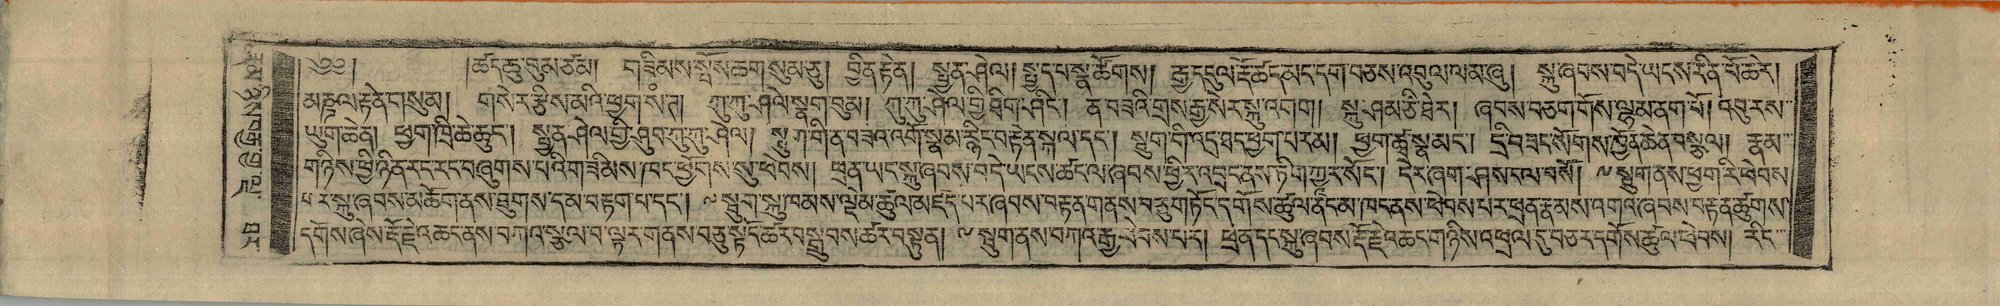༄༅། །ཚད་ཆུ་བུམ་ཙམ། གཟིམས་སྤོས་ཆག་སུམ་ཅུ། བྱིན་རྟེན། སྤྱན་ཤེལ། སྤྱད་པ་སྣ་ཚོགས། རྒྱ་དངུལ་རྡོ་ཚད་མང་དག་བཅས་འབུལ་ལམ་ཞུ། སྐུ་ཞབས་བདེ་ཡངས་རིན་པོ་ཆེར།
མཎྜལ་རྟེན་གསུམ། གསེར་རྩིས་མའི་ཕྱག་སཾ་ཊ། ཀུ་ཀུ་ཤེལ་སྣག་བུམ། ཀུ་ཀུ་ཤེལ་གྱི་ཐིག་ཤིང་། ན་བཟའི་གྲས་རྒྱ་སེར་སྐུ་འགག །སྐུ་ཤམ་ཙི་ཐེར། ཞབས་བཅག་གོས་ལྷམ་ནག་པོ། འབུ་རས་
ཡུག་ཆེན། ཕྱག་ཁྲི་ཆེ་ཆུང་། སྤྱན་ཤེལ་གྱི་ཤུབ་ཀུ་ཀུ་ཤེལ། སྦུག་གི་ན་བཟའ་འགོ་སྣམ་རྙིང་བརྟེན་སྐལ་དང་། སྦུག་གི་འདྲ་ཐང་ཕྱག་པར་མ། ཕྱག་ཚྭ་སྣ་མང་། དྲི་བཟང་སོགས་ཁྱོན་ཆེན་བསྩལ། རྣམ་
གཉིས་ཕྱི་ཉིན་རང་རང་བཞུགས་པའི་གཟིམས་ཁང་ཕྱོགས་སུ་ཕེབས། ཕྲན་ཡང་སྐུ་ཞབས་བདེ་ཡངས་ཚང་ལ་ཞབས་ཕྱིར་འབྲང་ནས་ཏིག་ཀྱཱར་སོང་། དེར་ཞག་ཤས་ངལ་བསོ། ༧སྦུག་ནས་ཕྱག་རི་ཕེབས་
པར་སྐུ་ཞབས་མཆོག་ནས་ཐུགས་དམ་བརྟག་པ་དང་། ༧སྦུག་སྐུ་ཁམས་ལྡེམ་ཚུལ་མཛད་པར་ཞབས་བརྟན་གནས་བཅུ་གཏོང་དགོས་ཚུལ་ནང་མ་ཁང་ནས་ཕེབས་པར་ཕྲན་རྣམས་འགའ་ཞབས་བརྟན་ཚུགས་
དགོས་ཞེས་རྡོ་རྗེ་འཆང་ནས་བཀའ་སྩལ་བ་ལྟར་གནས་བཅུ་སྟོང་ཚར་བསྒྲུབས་ཚར་བསྟུན། ༧སྦུག་ནས་བཀའ་རྒྱ་ཕེབས་པར། ཕྲན་དང་སྐུ་ཞབས་རྡོ་རྗེ་འཆང་གཉིས་འཕྲལ་དུ་བཅར་དགོས་ཚུལ་ཕེབས། རིང་